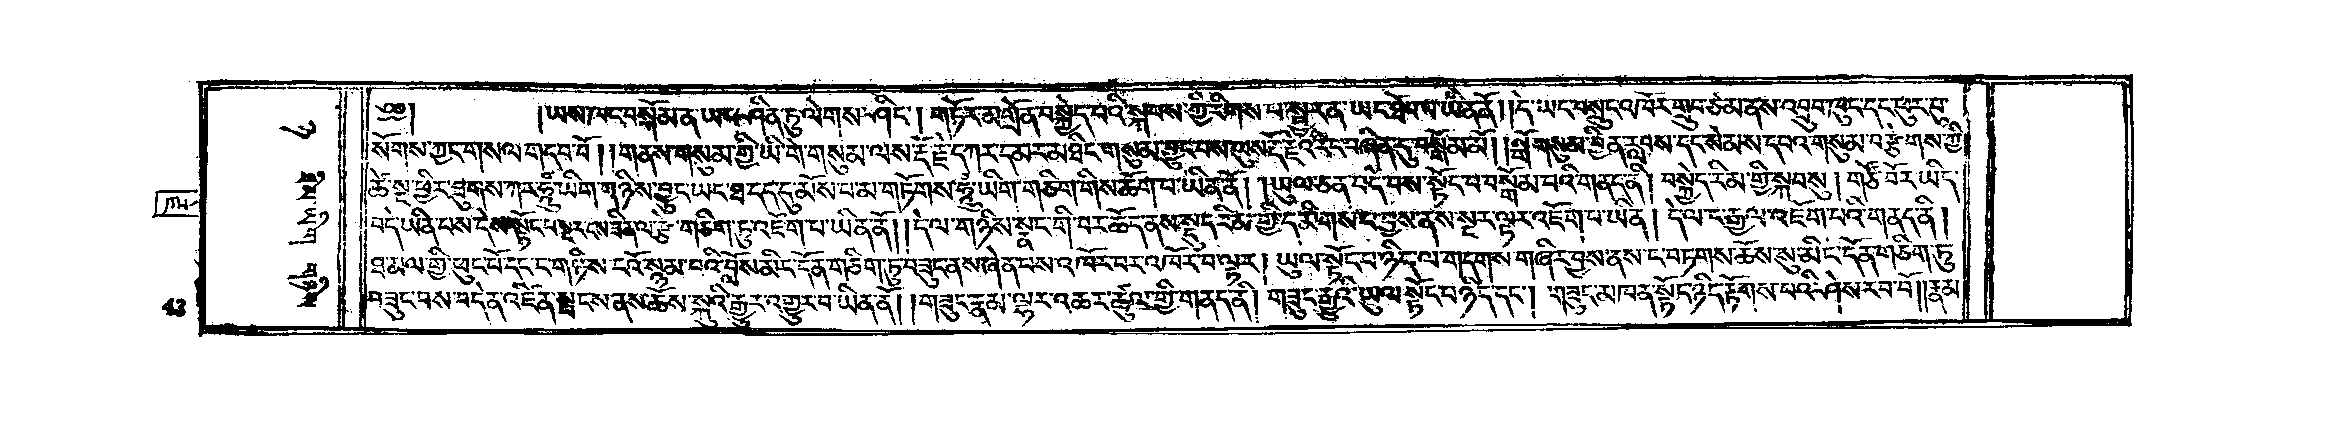༄༅། །ཡས་ཁང་བསྒོམ་ན་ཡང་ཤིན་ཏུ་ལེགས་ཤིང་། གཏོར་མགྲོན་བསྐྱེད་པའི་སྐབས་ཀྱི་རིགས་པ་སྦྱར་ན་ཡང་ཐོབ་པ་ཡིན་ནོ། །དེ་ཡང་བསྲུང་འཁོར་གྲུབ་ཙམ་ནས་འབྲུབ་ཁུང་དང་ཕུར་བུ་
སོགས་ཀྱང་གསལ་གདབ་བོ། །གནས་གསུམ་གྱི་ཡི་གེ་གསུམ་ལས་རྡོ་རྗེ་དཀར་དམར་མཐིང་གསུམ་བྱུང་བས་ལུས་རྡོ་རྗེའི་རང་བཞིན་དུ་བསྒོམ་མོ། །སྒོ་གསུམ་བྱིན་རླབས་དང་སེམས་དཔའ་གསུམ་བརྩེགས་ཀྱི་
ཚེ་སྔ་ཕྱིར་ཐུགས་ཀར་ཧཱུཾ་ཡིག་གཉིས་བྱུང་ཡང་ཐ་དད་དུ་མོས་པ་མ་གཏོགས་ཧཱུཾ་ཡིག་གཅིག་གིས་ཆོག་པ་ཡིན་ནོ། །ཡུལ་ཅན་བདེ་བས་སྟོང་པ་བསྒོམ་པའི་གནད་ནི། བསྐྱེད་རིམ་གྱི་སྐབས་སུ། གཙོ་བོར་ཡིད་
བདེ་ཡིན་པས་དེས་སྟོང་པ་སྔར་ངེས་ཟིན་ལ་རྩེ་གཅིག་ཏུ་འཇོག་པ་ཡིན་ནོ། །དེ་ལ་གཉིས་སྣང་གི་བར་ཆོད་ནས་སྡུད་རིམ་གྱི་དམིགས་པ་བྱས་ནས་སྔར་ལྟར་འཇོག་པ་ཡིན། དེ་ལ་ང་རྒྱལ་འཇོག་པའི་གནད་ནི།
ཐ་མལ་གྱི་ཕུང་པོ་དང་ང་གཉིས་ངའོ་སྙམ་པའི་བློས་མིང་དོན་གཅིག་ཏུ་བཟུང་ནས་ཞེན་པས་འཁོར་བར་འཁོར་བ་ལྟར། ཡུལ་སྟོང་པ་ཉིད་ལ་གདགས་གཞིར་བྱས་ནས་ང་བཏགས་ཆོས་སུ་མིང་དོན་གཅིག་ཏུ་
བཟུང་བས་བདེན་འཛིན་སྤངས་ནས་ཆོས་སྐུའི་རྒྱུར་འགྱུར་བ་ཡིན་ནོ། །གཟུང་རྣམ་ལྷར་འཆར་ཚུལ་གྱི་གནད་ནི། གཟུང་རྒྱུའི་ཡུལ་སྟོང་བ་ཉིད་དང་། གཟུང་མཁན་སྟོང་ཉིད་རྟོགས་པའི་ཤེས་རབ་བོ། །རྣམ་